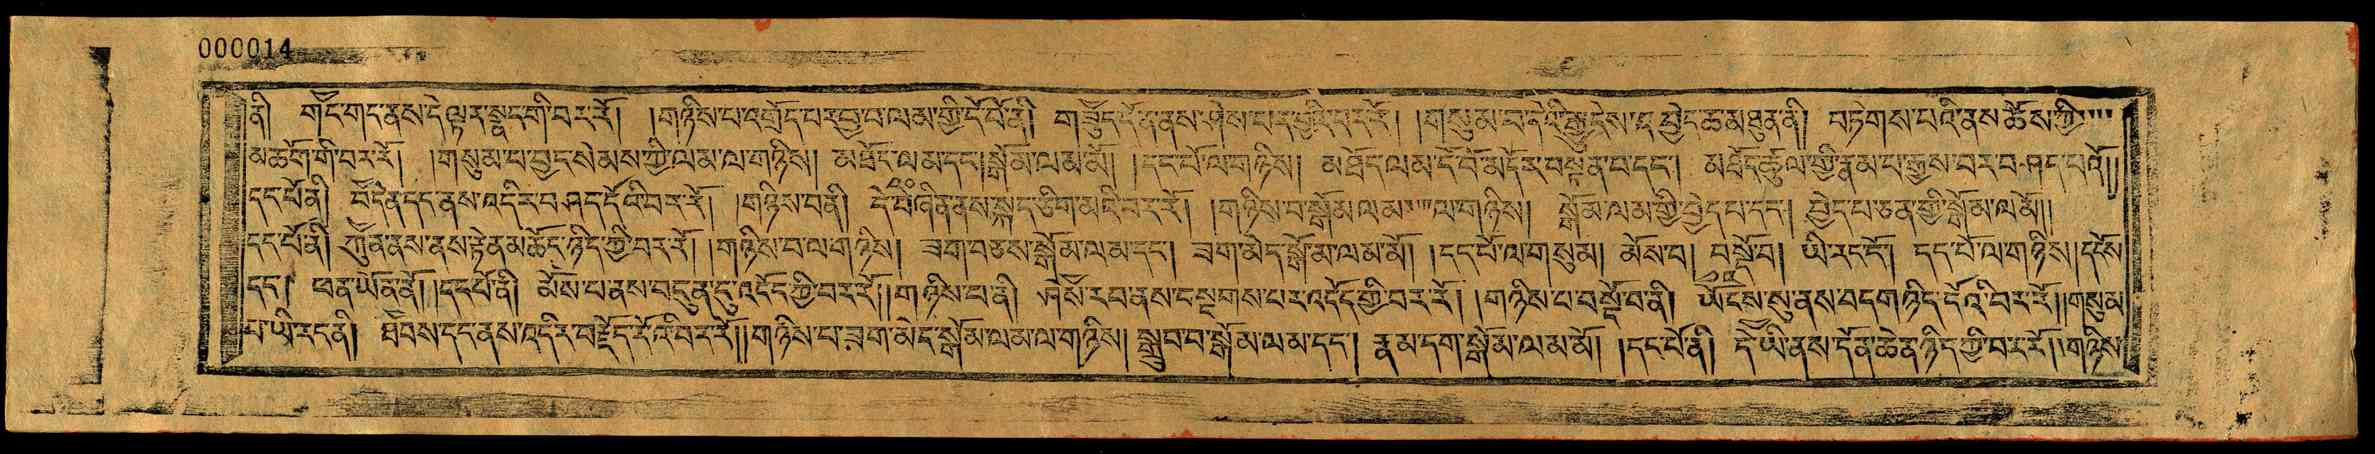ནི༑ གང་གང་ནས་དེ་ལྟར་སྣང་གི་བར་རོ། །གཉིས་པ་བགྲོད་པར་བྱ་བ་ལམ་གྱི་ངོ་བོ་ནི། གཟུང་དོན་ནས་ཤེས་པར་བྱའི་བར་རོ། །གསུམ་པ་དེའི་རྒྱུ་དེས་འབྱེད་ཆ་མཐུན་ནི། བཏོགས་པའི་ནས་ཆོས་ཀྱི་
མཆོག་གི་བར་རོ། །གསུམ་པ་བྱང་སེམས་ཀྱི་ལམ་ལ་གཉིས། མཐོང་ལམ་དང་། སྒོམ་ལམ་མོ། །དང་པོ་ལ་གཉིས། མཐོང་ལམ་ངོ་བོ་མདོར་བསྟན་པ་དང་། མཐོང་ཚུལ་གྱི་རྣམ་པ་རྒྱས་པར་བཤད་པའོ།།
དང་པོ་ནི། བདེན་དང་ནས་འདིར་བཤད་དོའི་བར་རོ། །གཉིས་པ་ནི། དེ་བཞིན་ནས་སྐད་ཅིག་མའི་བར་རོ། །གཉིས་པ་སྒོམ་ལམ་ལ་གཉིས། སྒོམ་ལམ་གྱི་བྱེད་པ་དང་། བྱེད་པ་ཅན་གྱི་སྒོམ་ལམ་མོ།།
དང་པོ་ནི། ཀུན་ནས་ནས་རྟེན་མཆོད་ཉིད་ཀྱི་བར་རོ། །གཉིས་པ་ལ་གཉིས། ཟག་བཅས་སྒོམ་ལམ་དང་། ཟག་མེད་སྒོམ་ལམ་མོ། །དང་པོ་ལ་གསུམ། མོས་པ། བསྔོ་པ། ཡི་རང་ངོ། དང་པོ་ལ་གཉིས། དངོས་
དང༑ ཕན་ཡོན་ནོ། །དང་པོ་ནི། མོས་པ་ནས་བདུན་དུ་འདོད་ཀྱི་བར་རོ། །གཉིས་པ་ནི། ཤེས་རབ་ནས་བསྔགས་པར་འདོད་ཀྱི་བར་རོ། །གཉིས་པ་བསྔོ་བ་ནི། ཡོངས་སུ་ནས་བདག་ཉིད་དོའི་བར་རོ། །གསུམ་
པ་ཡི་རང་ནི། ཐབས་དང་ནས་འདིར་བརྗོད་དོའི་བར་རོ། །གཉིས་པ་ཟག་མེད་སྒོམ་ལམ་ལ་གཉིས། སྒྲུབ་པ་སྒོམ་ལམ་དང་། རྣམ་དག་སྒོམ་ལམ་མོ། །དང་པོ་ནི། དེ་ཡི་ནས་དོན་ཆེན་ཉིད་ཀྱི་བར་རོ། །གཉིས་